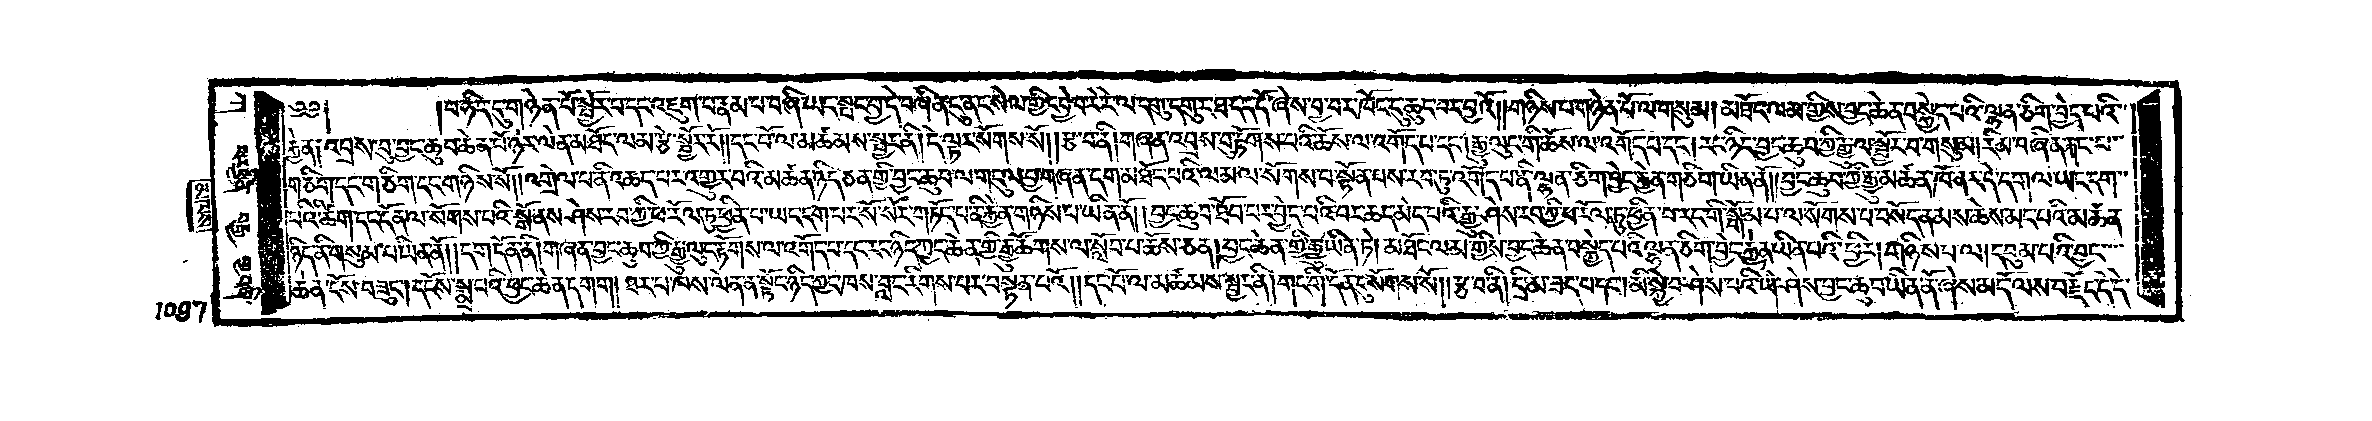༄༅། །པ་ཉིད་དུ་གཉེན་པོ་སྦྱོར་བ་དང་འཇུག་པ་རྣམ་པ་བཞི་ཡང་སྤང་བྱ་དེ་བཞིན་དུ་ནང་སེལ་གྱི་དབྱེ་བ་རེ་རེ་ལ་དགུ་དགུར་ཐ་དད་དོ་ཞེས་བྱ་བར་ཁོང་དུ་ཆུད་པར་བྱའོ། །གཉིས་པ་གཉེན་པོ་ལ་གསུམ། མཐོང་ལམ་གྱིས་བྱང་ཆེན་བསྐྱེད་པའི་ལྷན་ཅིག་བྱེད་པའི་
རྐྱེན། འབྲས་བུ་བྱང་ཆུབ་ཆེན་པོ་ཉེར་ལེན་མཐོང་ལམ་རྩེ་སྦྱོར་རོ། །དང་པོ་ལ་མཚམས་སྦྱར་ནི། དེ་ལྟར་སོགས་སོ། །རྩ་བ་ནི། གཞན་འབྲས་བུ་རྟོགས་པའི་ཆོས་ལ་འགོད་པ་དང་། རྒྱུ་ལུང་གི་ཆོས་ལ་འགོད་པ་དང་། རང་ཉིད་བྱང་ཆུབ་ཀྱི་རྒྱུ་ལ་སྦྱོར་བ་གསུམ། རིམ་བཞིན་རྐང་པ་
གཅིག་དང་གཅིག་དང་གཉིས་སོ། །འགྲེལ་པ་ནི་འཆད་པར་འགྱུར་བའི་མཚན་ཉིད་ཅན་གྱི་བྱང་ཆུབ་ལ་གདུལ་བྱ་གཞན་དག་མཐོང་བའི་ལམ་ལ་སོགས་པ་སྟོན་པས་རབ་ཏུ་འགོད་པ་ནི་ལྷན་ཅིག་བྱེད་རྐྱེན་གཅིག་ཡིན་ནོ། །བྱང་ཆུབ་ཀྱི་རྒྱུ་མཚན་ཁོ་ནར་དེ་དག་ལ་ཡང་དག་
པའི་ཚིག་དང་དོན་ལ་སོགས་པའི་སྒོ་ནས་ཤེས་རབ་ཀྱི་ཕ་རོལ་ཏུ་ཕྱིན་པ་ཡང་དག་པར་སོ་སོར་གཏོང་པ་ནི་རྐྱེན་གཉིས་པ་ཡིན་ནོ། །བྱང་ཆུབ་ཐོབ་པར་བྱེད་པའི་བར་ཆད་མེད་པའི་རྒྱུ་ཤེས་རབ་ཀྱི་ཕ་རོལ་ཏུ་ཕྱིན་པ་རང་གི་སྒོམ་པ་ལ་སོགས་པ་བསོད་ནམས་ཆེས་མང་པའི་མཚན་
ཉིད་ནི་གསུམ་པ་ཡིན་ནོ། །དག་དོན་ནི། གཞན་བྱང་ཆུབ་ཀྱི་རྒྱུ་ལུང་རྟོགས་ལ་འགོད་པ་དང་རང་ཉིད་ཀྱང་ཆེན་གྱི་རྒྱུ་ཚོགས་ལ་སློབ་པ་ཆོས་ཅན། བྱང་ཆེན་གྱི་རྒྱུ་ཡིན་ཏེ། མཐོང་ལམ་གྱིས་བྱང་ཆེན་བསྐྱེད་པའི་ལྷན་ཅིག་བྱེད་རྐྱེན་ཡིན་པའི་ཕྱིར། གཉིས་པ་ལ། དབུ་མ་པའི་བྱང་
ཆེན་ངོས་བཟུང་། དངོས་སྨྲ་བའི་བྱང་ཆེན་དགག། ཐར་པ་ཁས་ལེན་ན་སྟོང་ཉིད་ཀྱང་ཁས་བླང་རིགས་པར་བསྟན་པའོ། །དང་པོ་ལ་མཚམས་སྦྱར་ནི། གང་གི་དོན་དུ་སོགས་སོ། །རྩ་བ་ནི། དྲི་མ་ཟད་པ་དང་། མི་སྐྱེ་བ་ཤེས་པའི་ཡེ་ཤེས་བྱང་ཆུབ་ཡིན་ནོ་ཞེས་མདོ་ལས་བརྗོད་དེ་དེ་